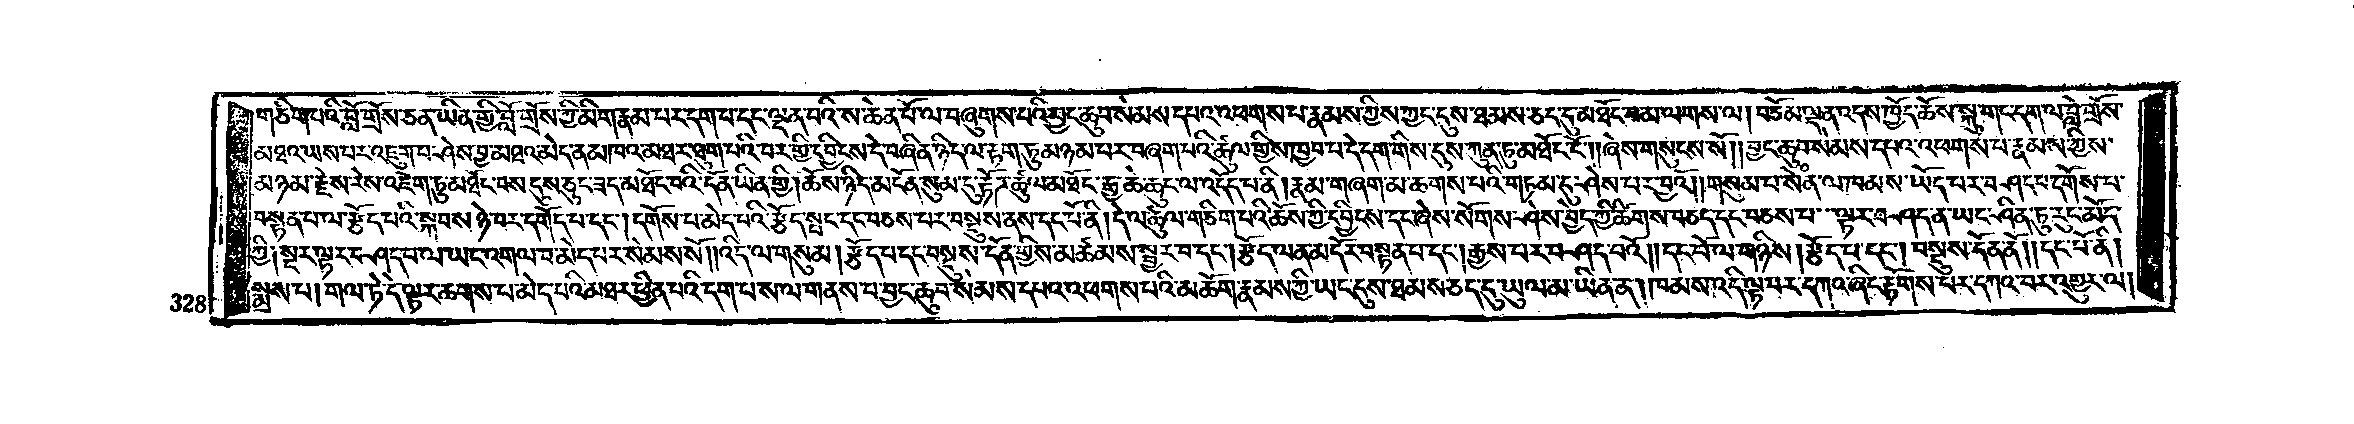གཅིག་པའི་བློ་གྲོས་ཅན་ཡིན་གྱི་བློ་གྲོས་ཀྱི་མིག་རྣམ་པར་དག་པ་དང་ལྡན་པའི་ས་ཆེན་པོ་ལ་བཞུགས་པའི་བྱང་ཆུབ་སེམས་དཔའ་འཕགས་པ་རྣམས་ཀྱིས་ཀྱང་དུས་ཐམས་ཅད་དུ་མཐོང་བ་མ་ལགས་ལ། བཅོམ་ལྡན་འདས་ཁྱོད་ཆོས་སྐུ་གང་དག་ལ་བློ་གྲོས་
མཐའ་ཡས་པར་འཇུག་པ་ཤེས་བྱ་མཐའ་མེད་ནམ་མཁའ་མཐར་ཐུག་པའི་བར་གྱི་དབྱིངས་དེ་བཞིན་ཉིད་ལ་རྟག་ཏུ་མཉམ་པར་བཞག་པའི་ཚུལ་གྱིས་ཁྱབ་པ་དེ་དག་གིས་དུས་ཀུན་ཏུ་མཐོང་ངོ། །ཞེས་གསུངས་སོ། །བྱང་ཆུབ་སེམས་དཔའ་འཕགས་པ་རྣམས་ཀྱིས་
མཉམ་རྗེས་རེས་འཇིག་ཏུ་མཐོང་བས་དུས་ཅུང་ཟད་མཐོང་བའི་དོན་ཡིན་གྱི་།ཆོས་ཉིད་མངོན་སུམ་དུ་རྟོགས་ཚུལ་མཐོང་རྒྱ་ཆེ་ཆུང་ལ་འདོད་པ་ནི། རྣམ་གཞག་མ་ཆགས་པའི་གཏམ་དུ་ཤེས་པ་བྱའོ། །གསུམ་པ་སེམས་ཅན་ལ་ཁམས་ཡོད་པར་བཤད་པ་དགོས་པ་
བསྟན་པ་ལ་རྩོད་པའི་སྐབས་ཉེ་བར་དགོད་པ་དང་། དགོས་པ་མེད་པའི་རྩོད་སྤང་དང་བཅས་པར་བསྡུས་ནས་དང་པོ་ནི། དེ་ལ་ཚུལ་གཅིག་པའི་ཆོས་ཀྱི་དབྱིངས་དང་ཞེས་སོགས་ཤེས་བྱེད་ཀྱི་ཚིགས་བཅད་དང་བཅས་པ་ལྟར་བཤད་ན་ཡང་ཤིན་ཏུ་རུང་མོད་
ཀྱི༑ སྔར་ལྟར་བཤད་པ་ལ་ཡང་འགལ་བ་མེད་པར་སེམས་སོ། །འདི་ལ་གསུམ། རྩོད་པ་དང་བསྡུས་དོན་གྱིས་མཚམས་སྦྱར་བ་དང་། རྩོད་ལན་མདོར་བསྟན་པ་དང་། རྒྱས་པར་བཤད་པའོ། །དང་པོ་ལ་གཉིས། རྩོད་པ་དང་། བསྡུས་དོན་ནོ། །དང་པོ་ནི།
སྨྲས་པ། གལ་ཏེ་དེ་ལྟར་ཆགས་པ་མེད་པའི་མཐར་ཕྱིན་པའི་དག་པ་ས་ལ་གནས་པ་བྱང་ཆུབ་སེམས་དཔའ་འཕགས་པའི་མཆོག་རྣམས་ཀྱི་ཡང་དུས་ཐམས་ཅད་དུ་ཡུལ་མ་ཡིན་ན། ཁམས་འདི་ལྟ་བར་དཀའ་ཞིང་རྟོགས་པར་དཀའ་བར་འགྱུར་ལ།